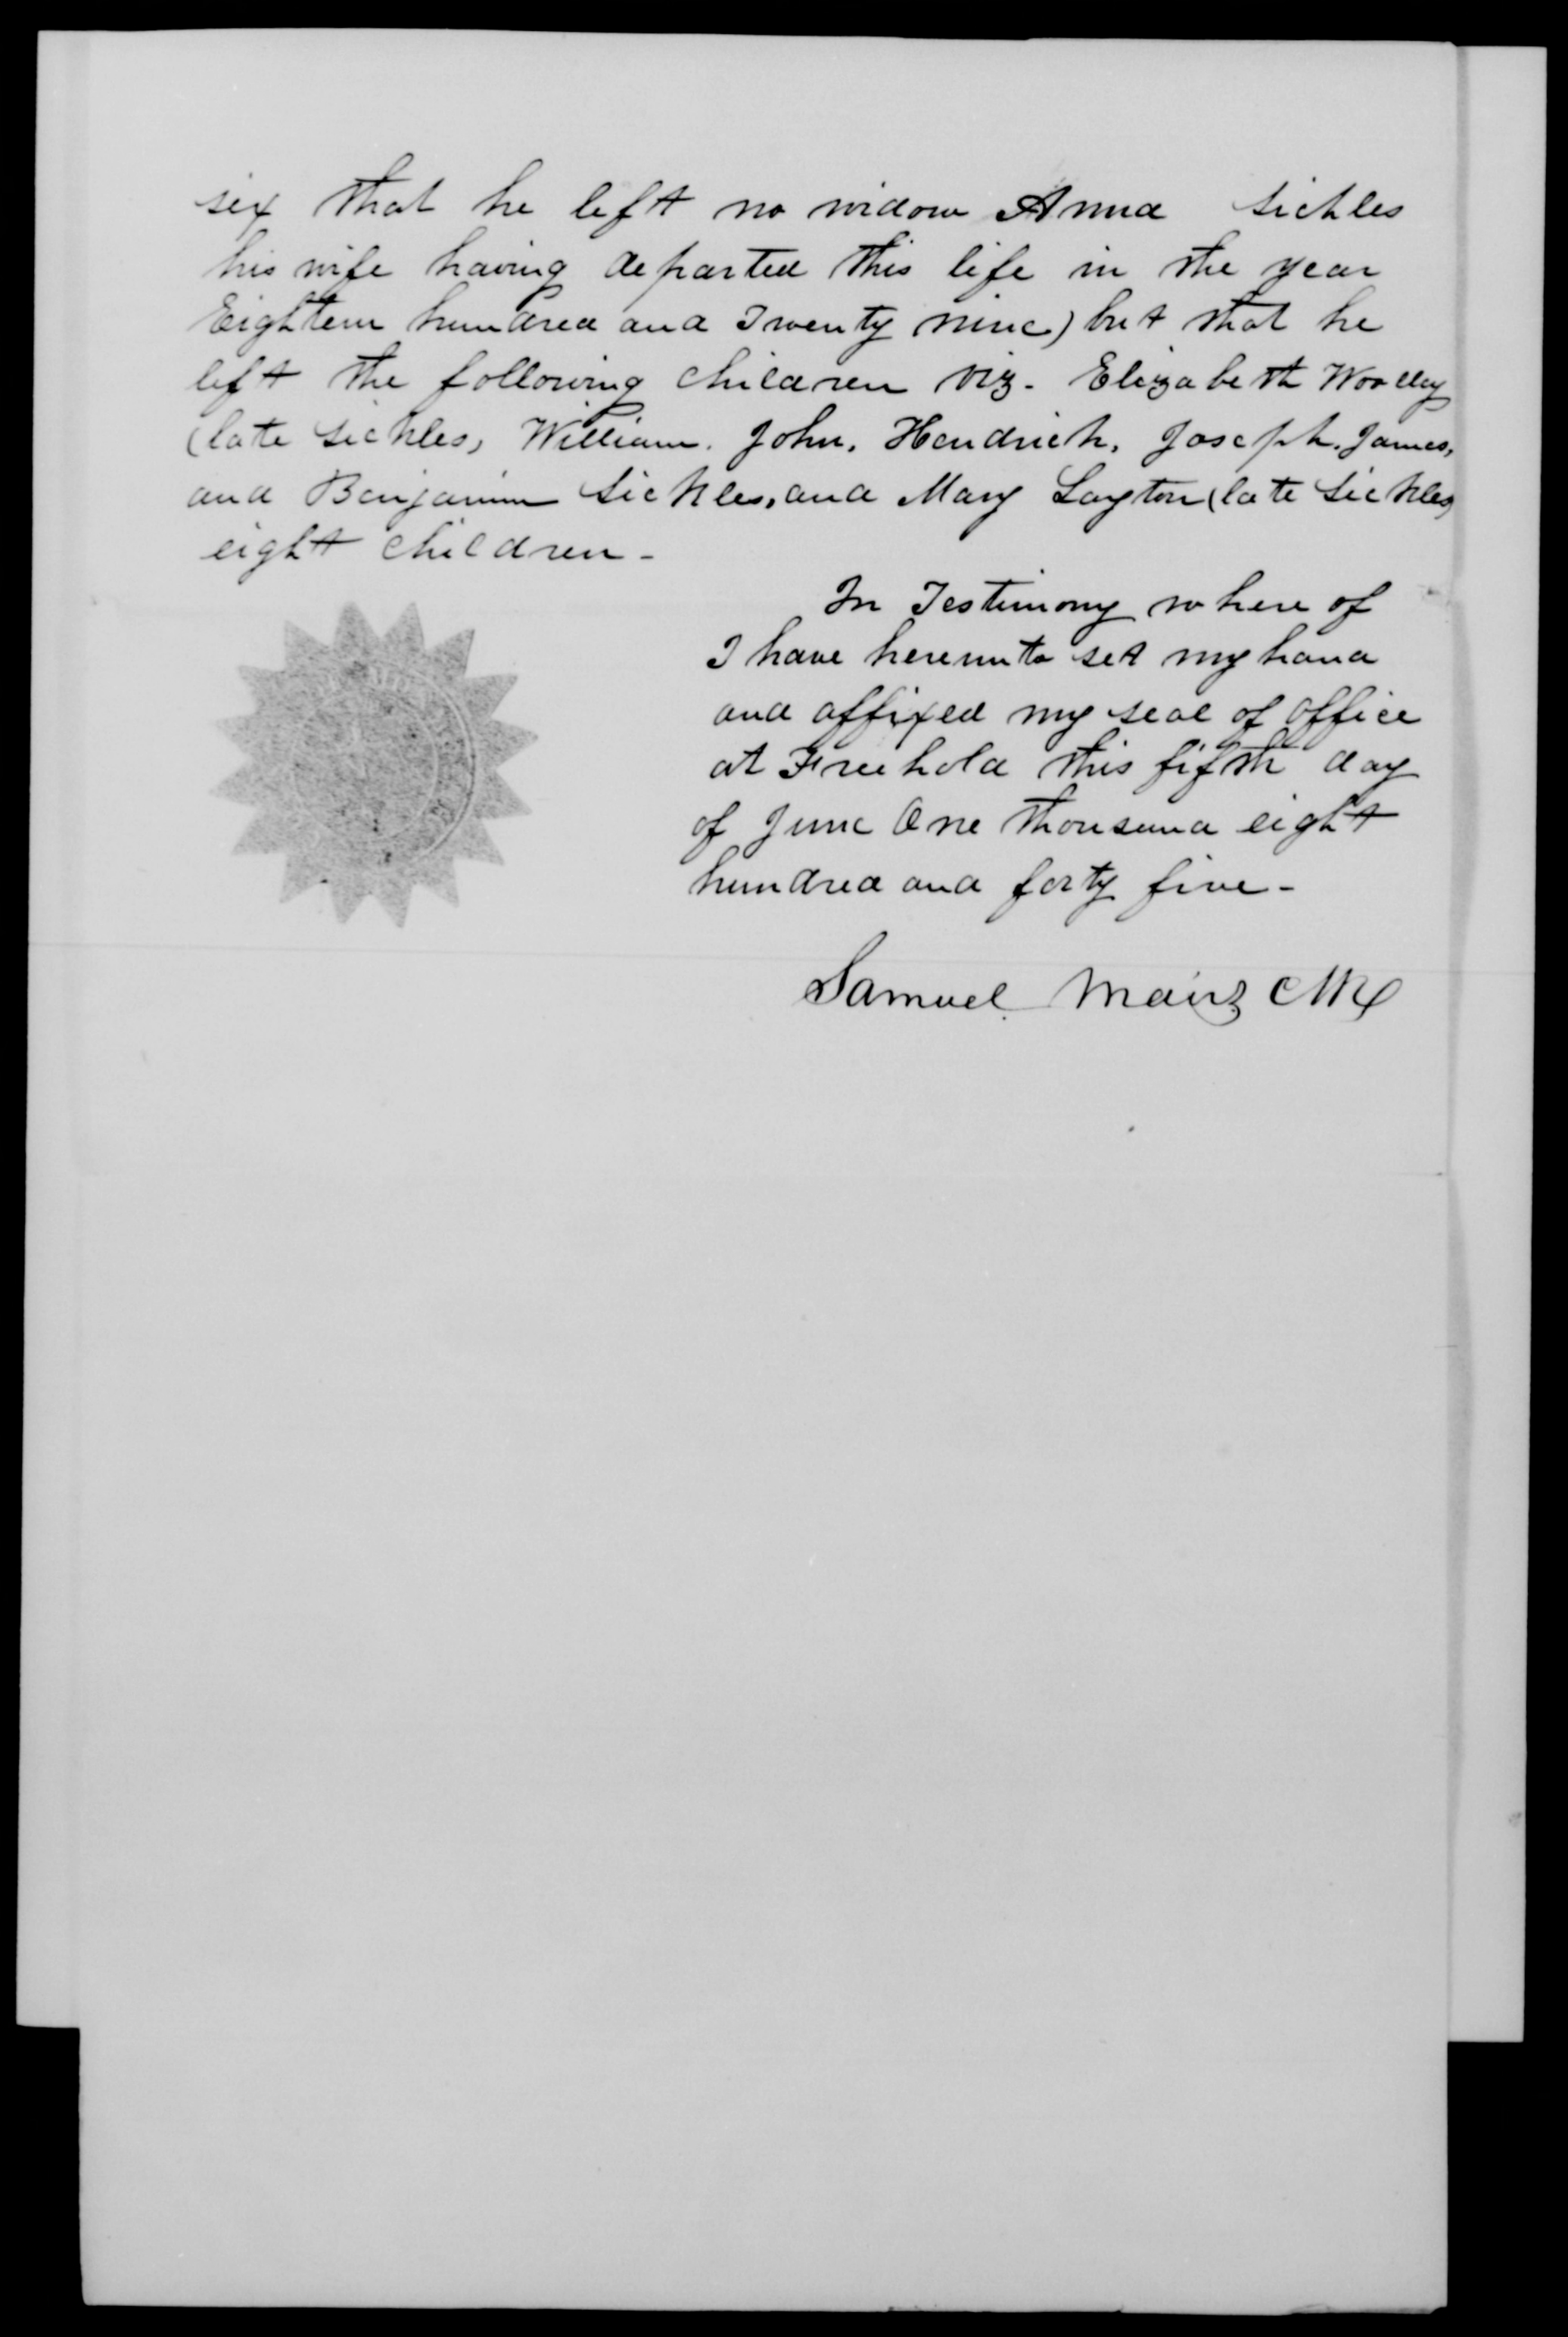six that he left no widow Anna Sickles his wife having departed this life in the year Eighteen hundred and Twenty Nine) but that he left the following children viz. Elizabeth Woolley (late Sickles) William, John, Hendrick, Joseph James and Benjamin Sickles, and Mary Layton (late Sickles) eight Children.
In Testimony whereof
I have hereunto set my hand
and affixed my seal of office
at Freehold this fifth day
of June One thousand eight
hundred and forty five.
Samuel Mairs Clk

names: Samuel Mairs; Elizabeth Woolley; Joseph Sickles; John Sickles; William Sickles; Benjamin Sickles; Hendrich Sickles; James Sickles; Anna Sichles; Mary Layton; [BLANK] Sickles; [BLANK] Sickles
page: 33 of 33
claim: survivor's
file: S. 4,841, for James Sickles, New Jersey